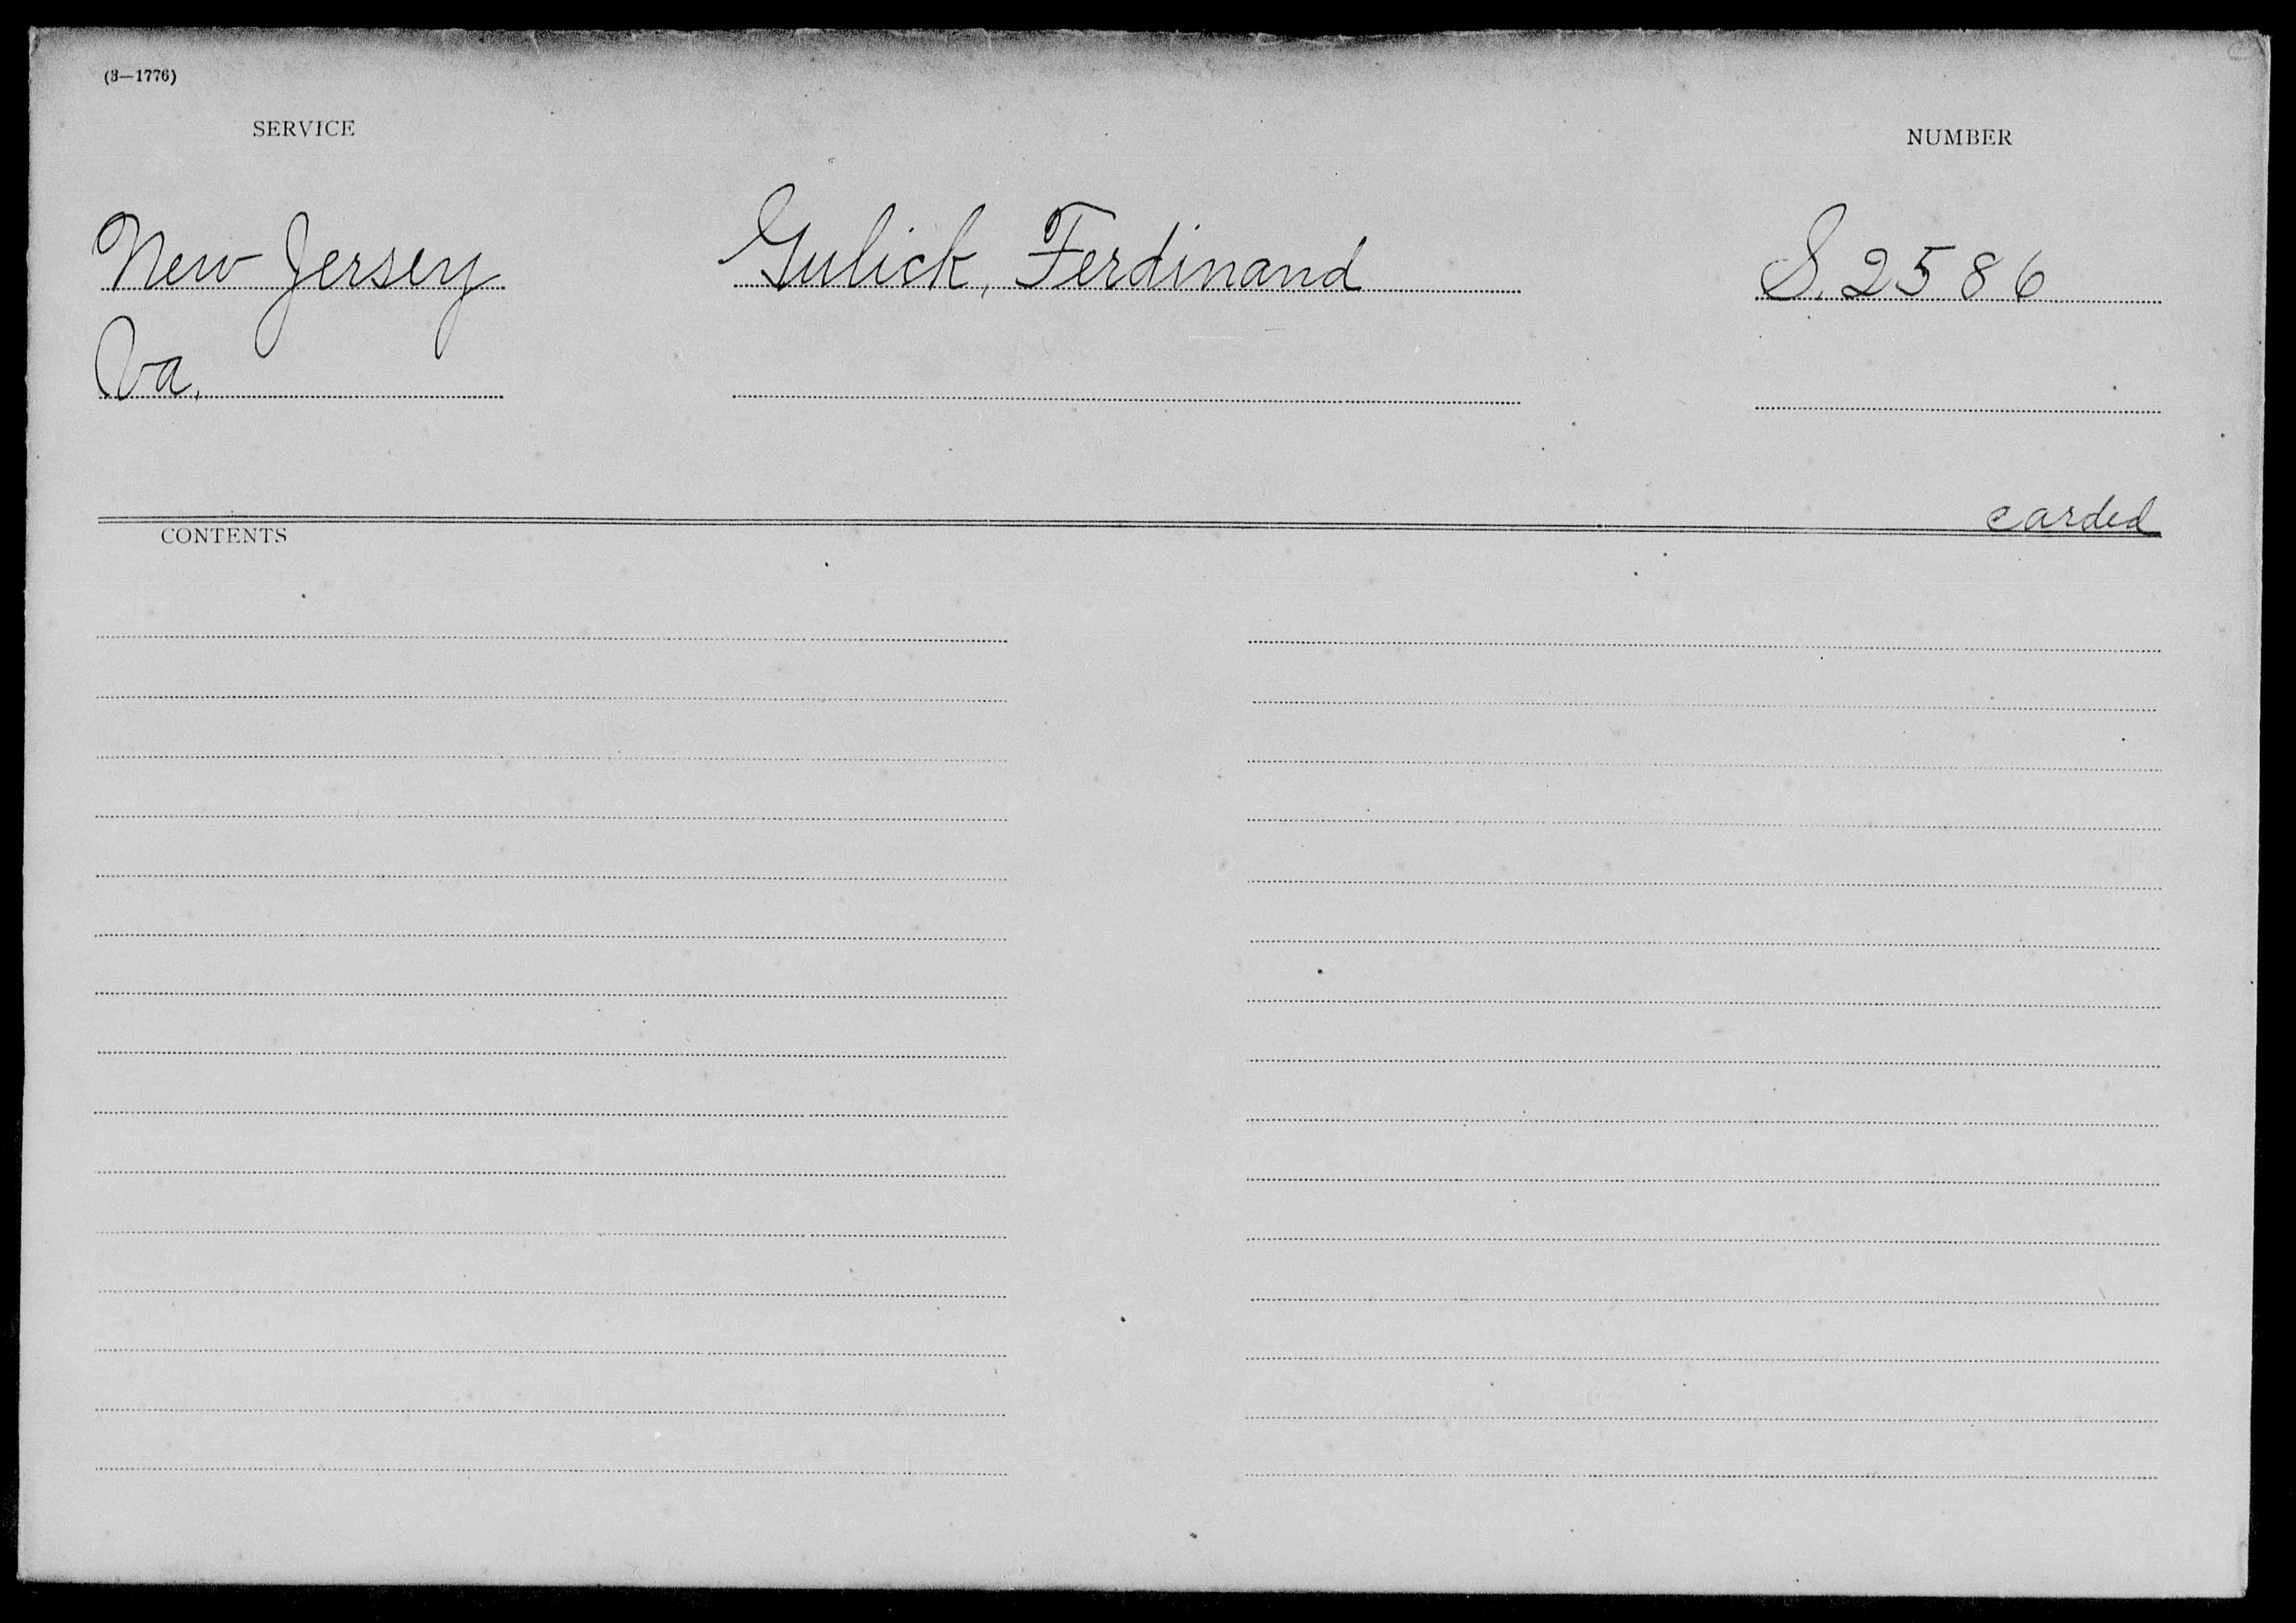(3-1776)

SERVICE New Jersey
Va.
Gulick, Ferdinand
NUMBER S.2586
carded

CONTENTS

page: 1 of 21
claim: survivor's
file: S. 2586, Ferdinand Gulick, New Jersey Va.